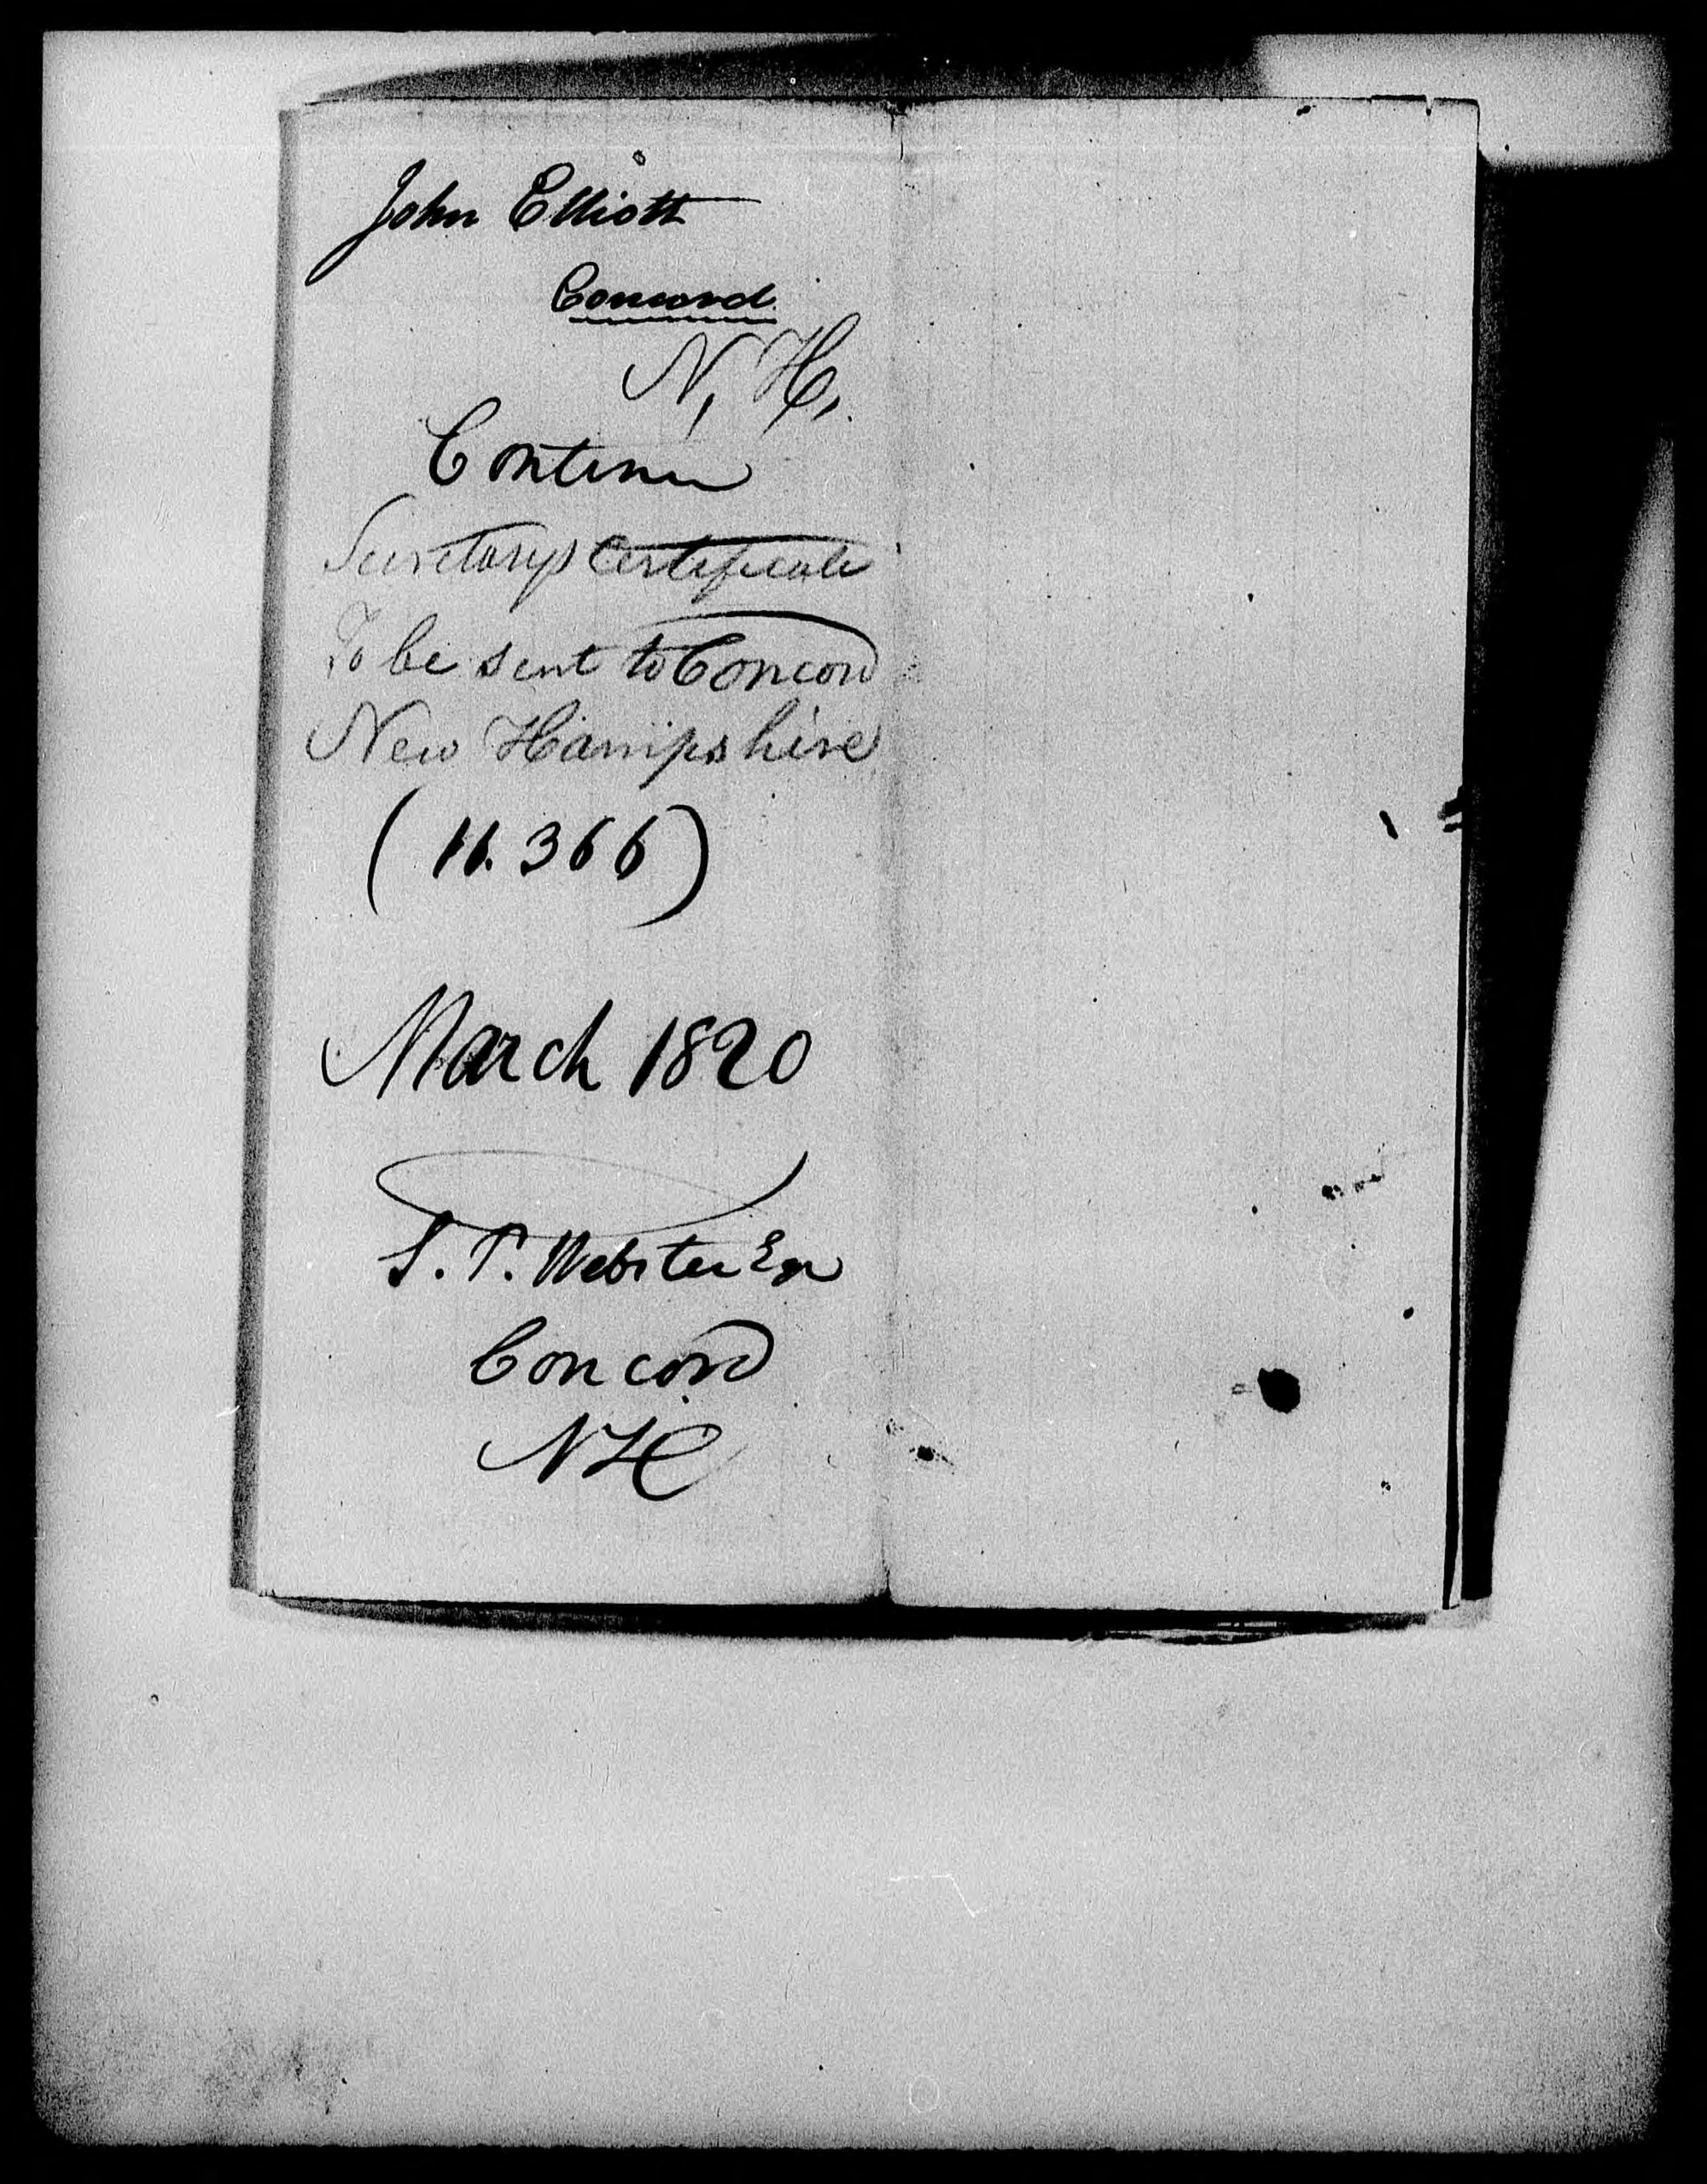John Elliott 
Concord
N. H. 
Continue 
Secretarys certificate
to  be sent to Concord 
New Hampshire 
(11366) 
March 1820 
S. P. Webster Esq 
Concord 
NH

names: S P Webster, John Elliott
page: 9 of 57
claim: widow's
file: W. 16,114, John Elliot, Continental (Mass) N.H.